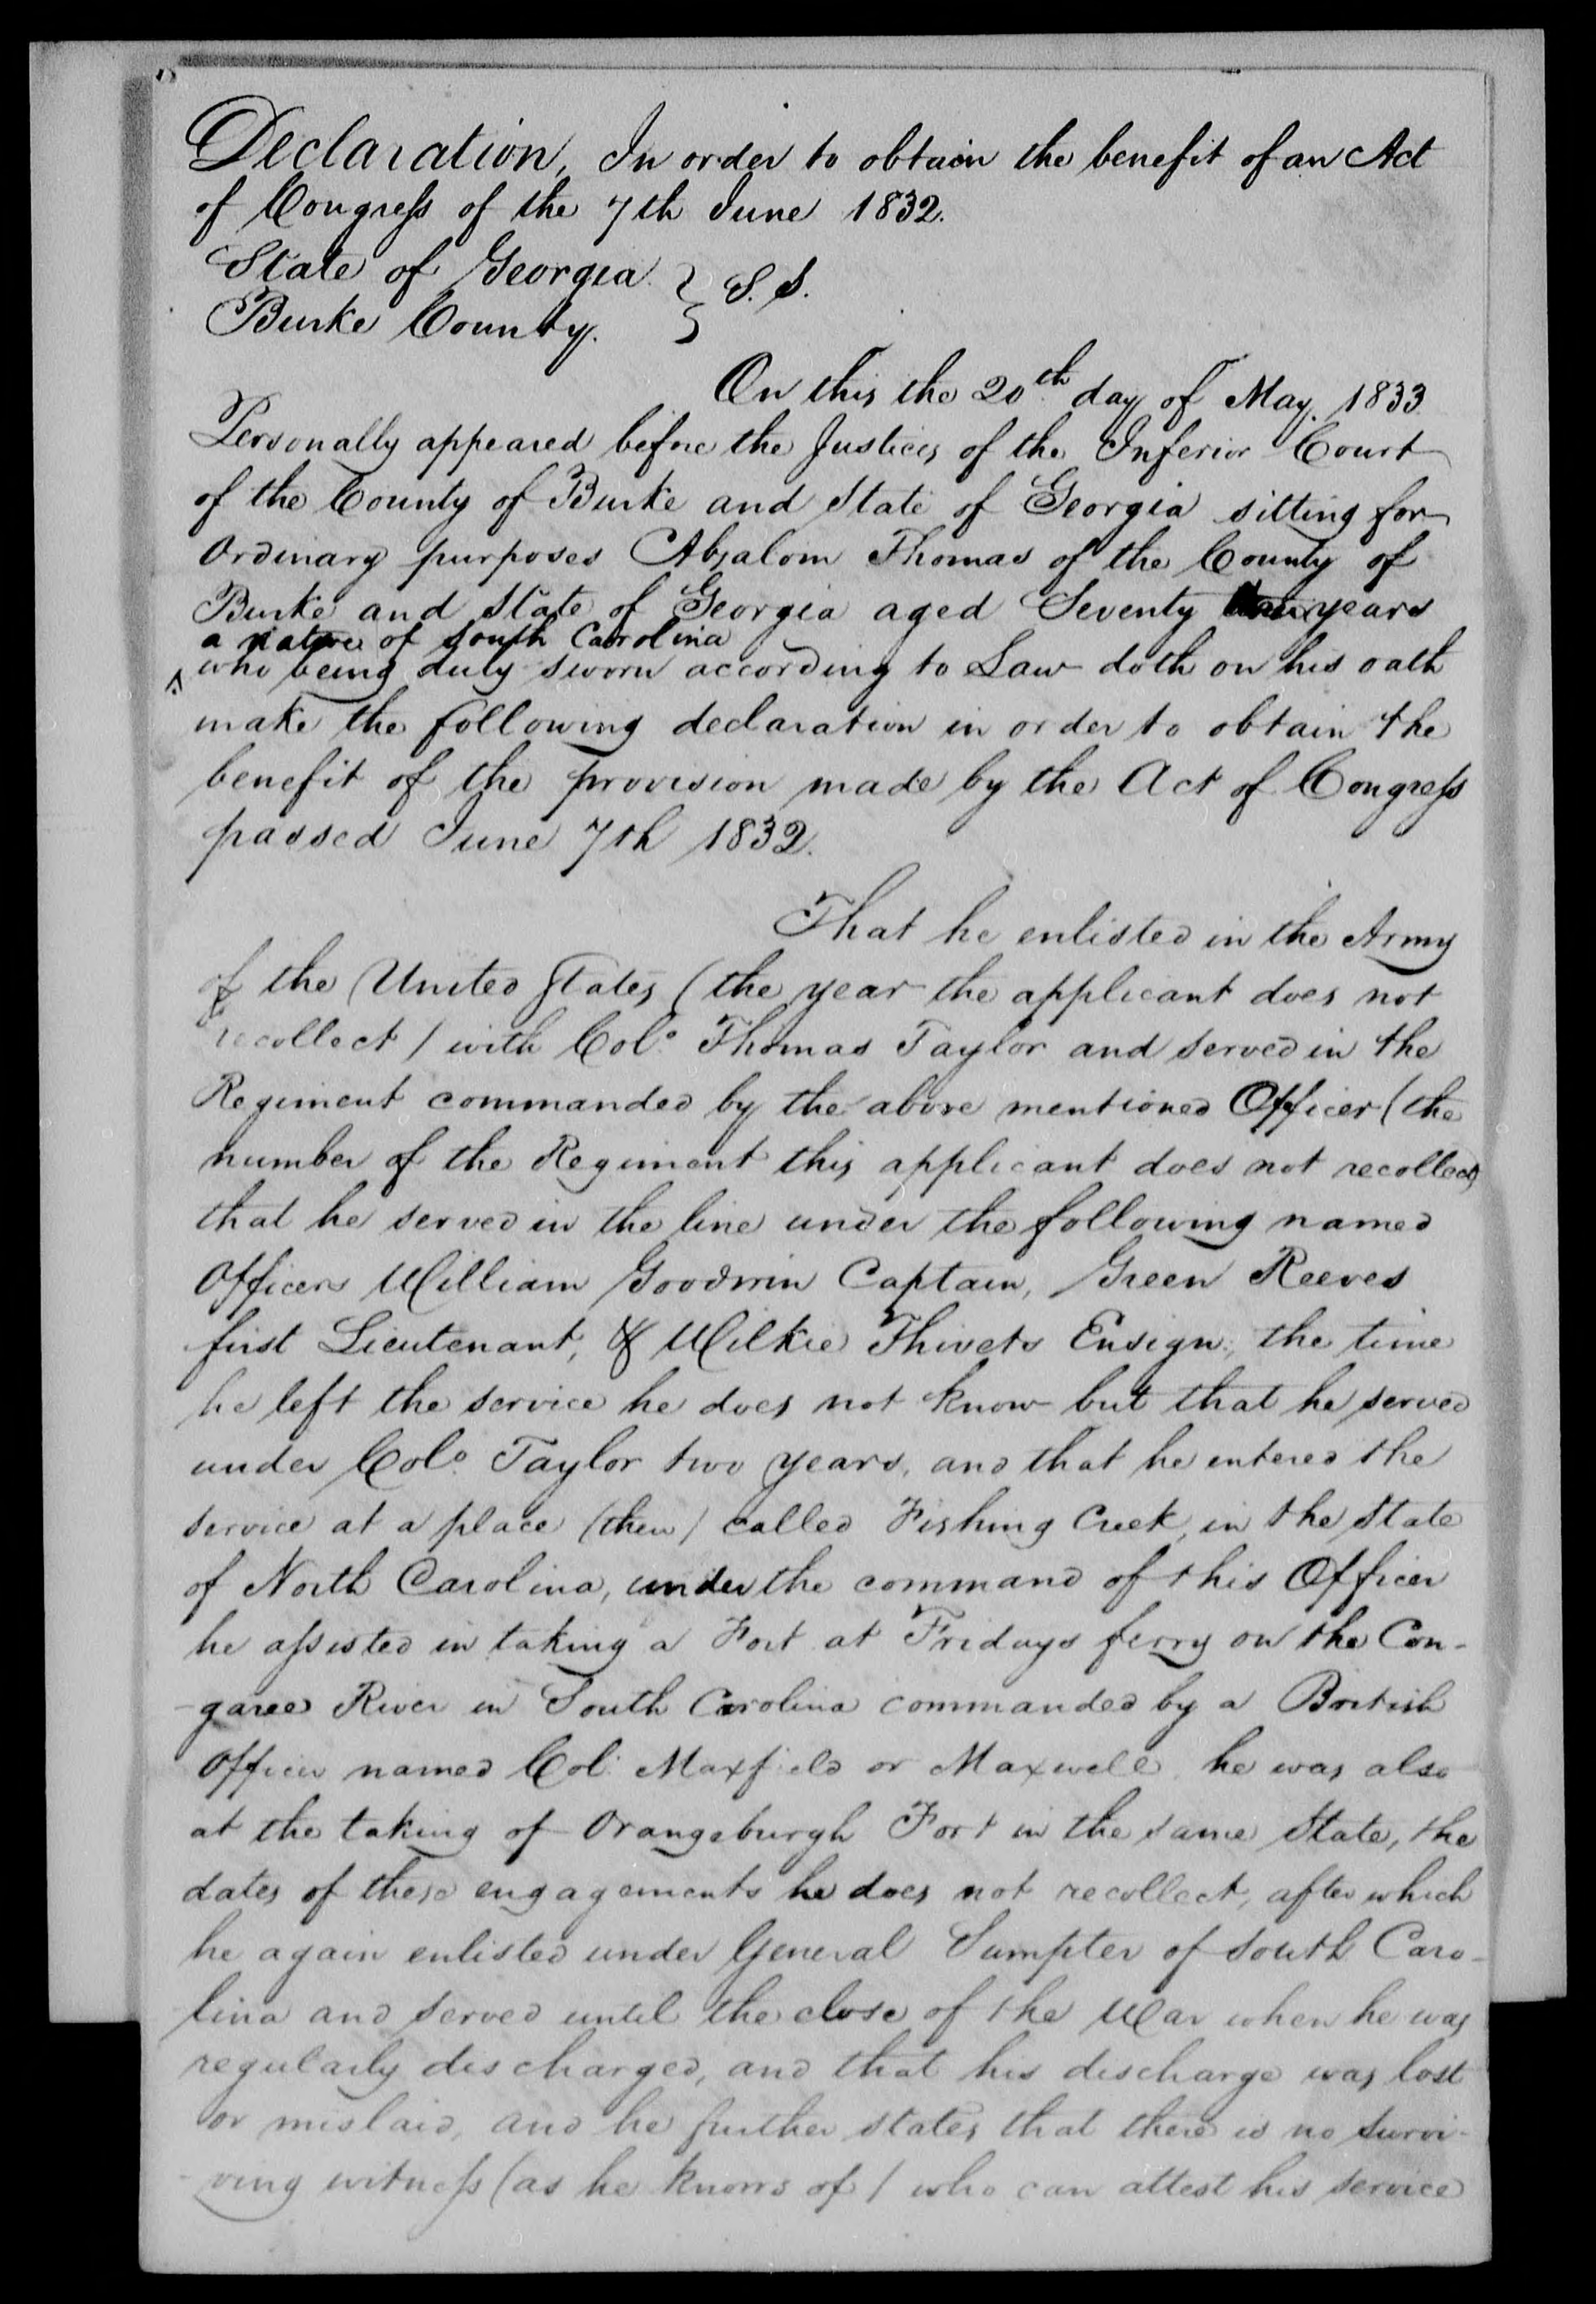Declaration, In order to obtain the benefit of an Act of Congress of the 7th June 1832.
State of Georgia }
Burke County. } S.S.
On this the 20 day of May. 1833 Personally appeared before the Justices of the Inferior Court of the County of Burke and State of Georgia sitting for ordinary purposes Absalom Thomas of the County of Burke and State of Georgia age Seventy two years a native of South Carolina who being duly sworn according to Law doth on his oath make the following declaration in order to obtain the benefit of the provision made by the Act of Congress passed June 7th 1832.
That he enlisted in the Army of the United States (the year the applicant does not recollect) with Col Thomas Taylor and served in the Regiment commanded by the above mentioned Officer (the number of the Regiment this applicant does not recollect) that he served in the line under the following named Officers William Goodwin Captain, Green Reeves first Lieutenant, J Wilkie Thivers Ensign, the time he left the service he does not know but that he served under Colo Taylor two years, and that he entered service at a place then / called Fishing Creek in the State of North Carolina, under the command of this Officer he assisted in taking a Fort at Fridays ferry on the Congarees River in South Carolina commanded by a British Officer named Col Maxfield or Maxwell. he was also at the taking of Orangeburgh Fort in the same State, the dates of these engagements he does not recollect, after which he again enlisted under General Hampten of South Carolina and served until the close of the War when he was regularly discharged, and that his discharge was lost or mislaid and he further states that there is no Surviving witness (as he knows of) who can attest his service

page: 6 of 9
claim: rejected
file: R 10493, for Absalom Thomas, North Carolina